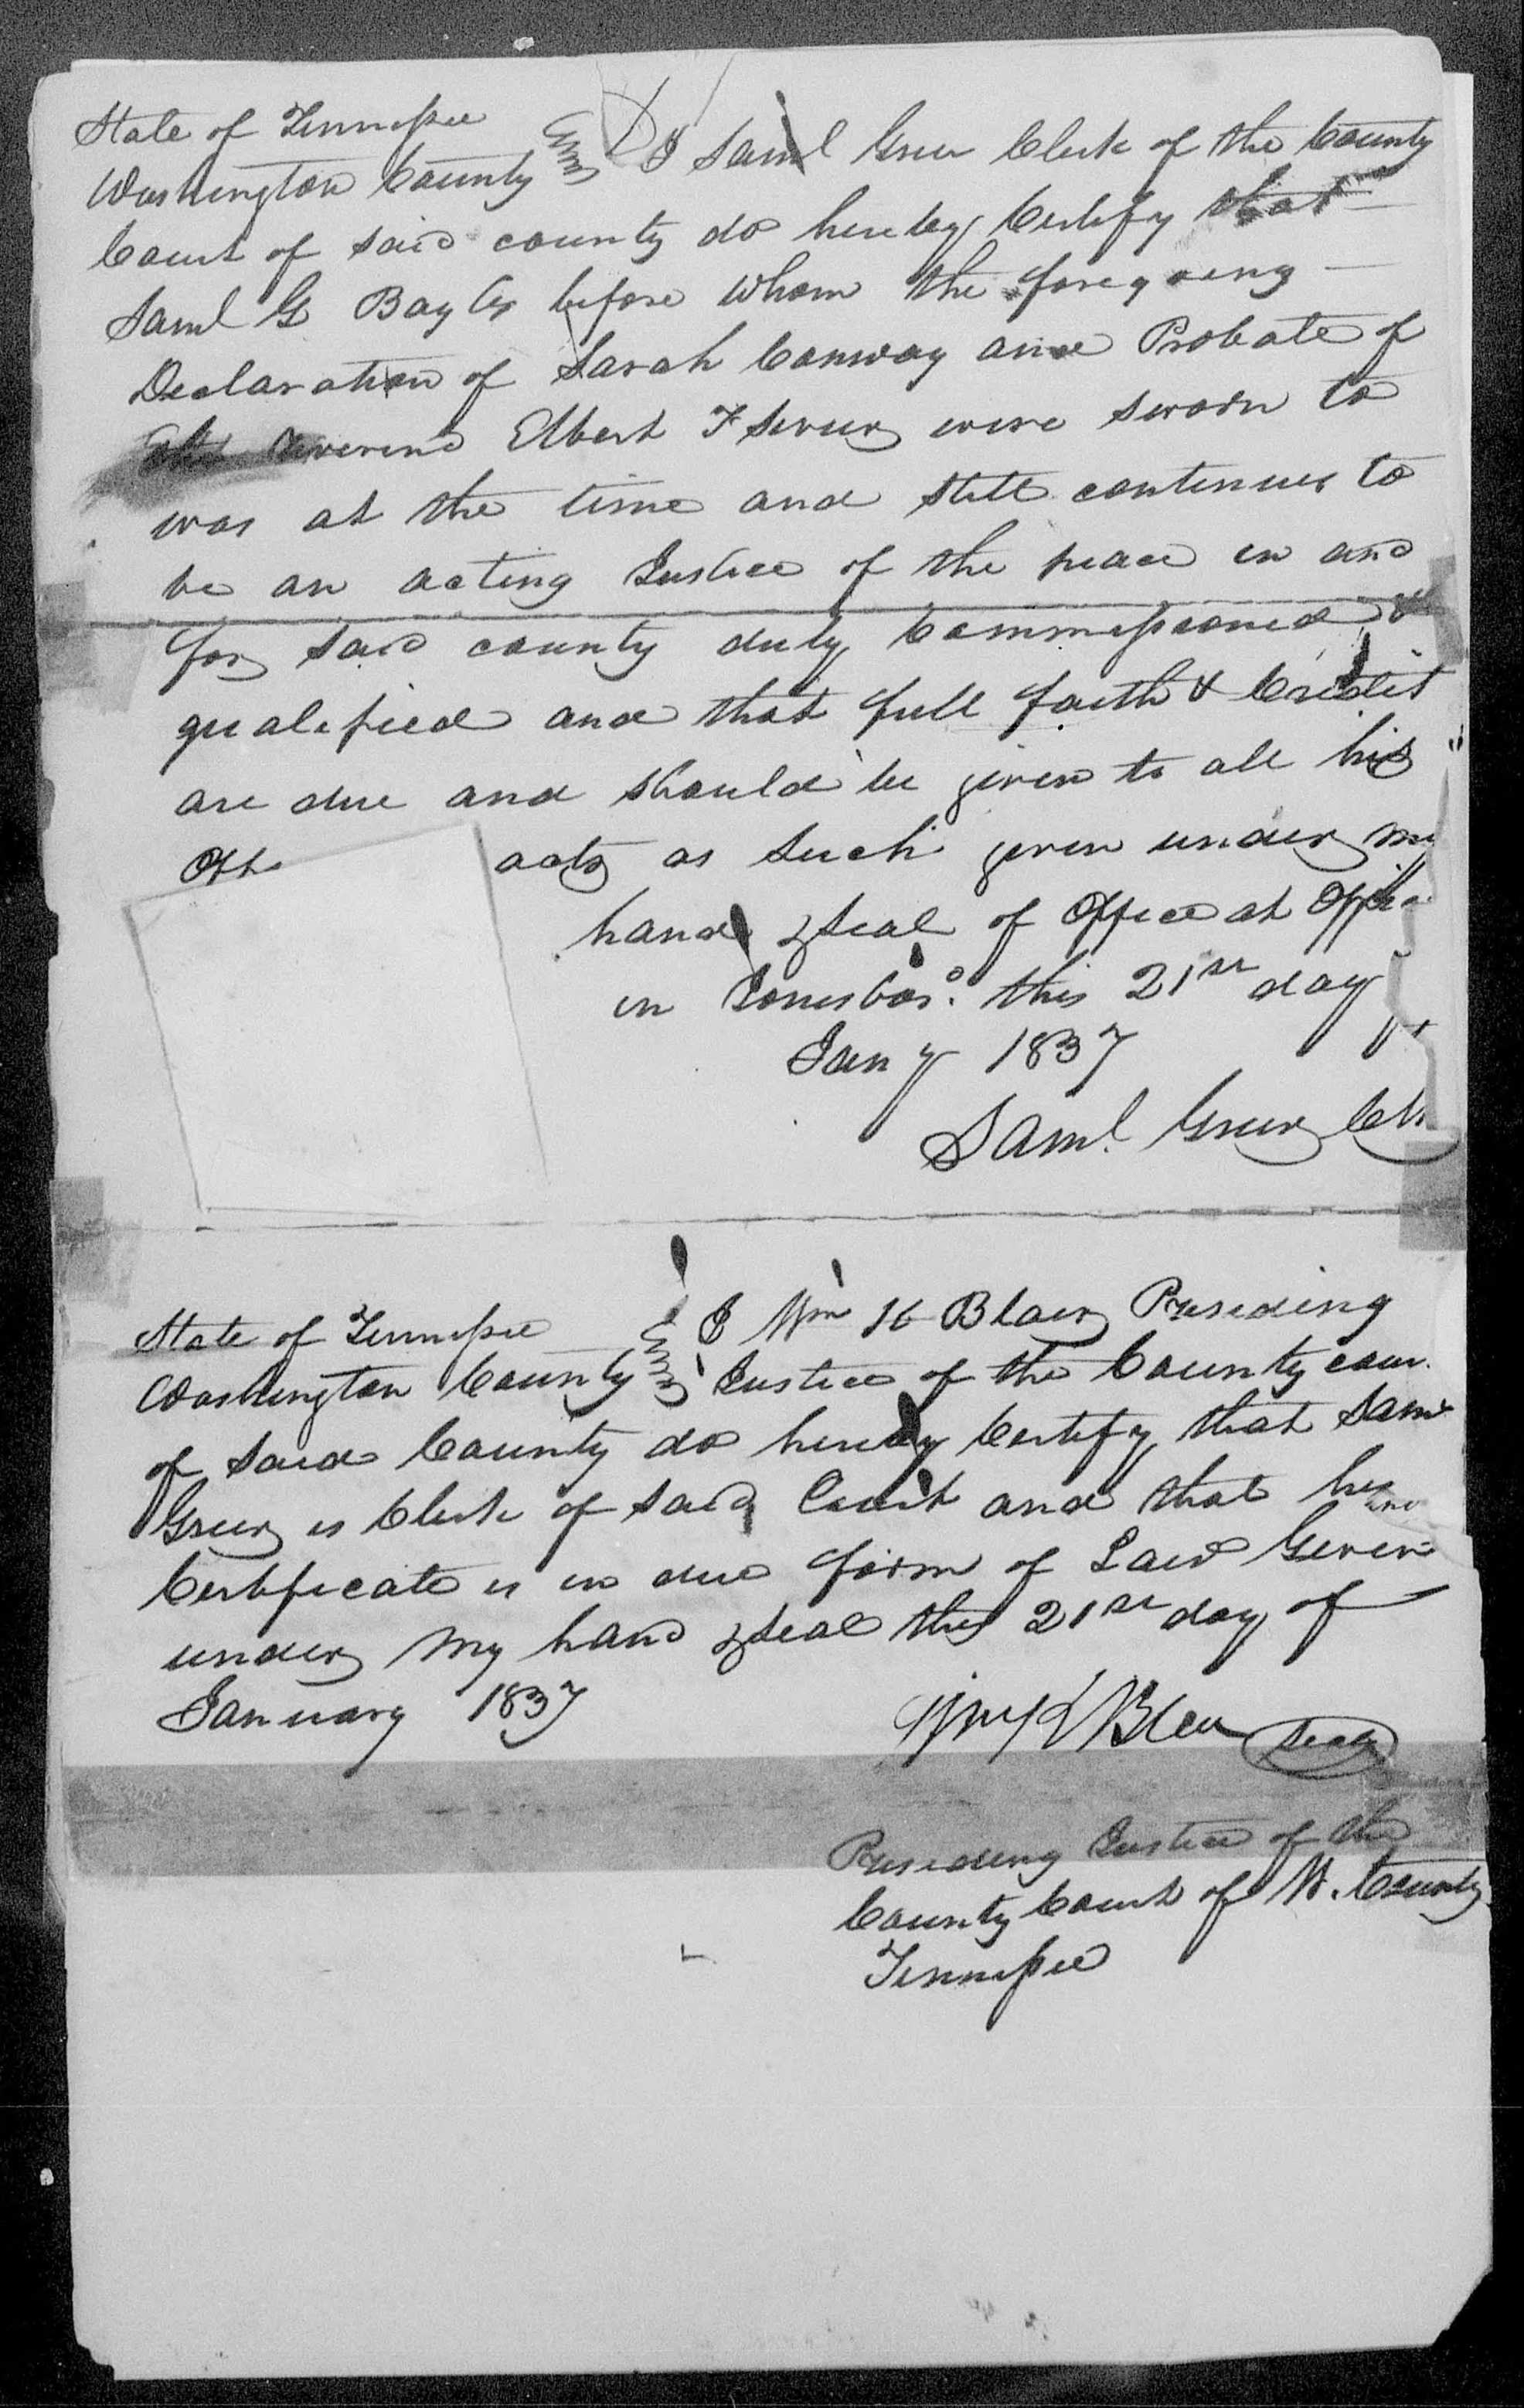State of Tennessee
Washington County

I Samuel Greer Clerk of the County Court of said County do hereby certify that Samuel G. Bayles before whom the foregoing declaration of Sarah Conway and Probate of Reverend Elbert F. Sevier were sworn to was at the time and still continues to be an acting Justice of the peace in and for said County duly commissioned and qualified and that full faith and credit are due and should be given to all his official acts as such given under my hand and seal of Office at Office in Jonesboro this 21st day 
January 1837

Samuel Greer Clerk


State of Tennessee
Washington County

I William H. Blair Presiding Justices of the County court of said County do hereby certify that Samuel Greer is Clerk of said County and that this certificate is in due from of Law 
Given under my hand and Seal this 21st day of January 1837

William H. Blair 
Presiding Justice of the County Court of Washington County Tennessee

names: Saml Greer, Wm K Blair, Elbert F Sevier, Saml Greer, Wm K Blea, Sarah Conway, Saml Greer, Saml G Bayles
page: 6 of 13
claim: widow's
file: W. 6,719, Henry Conway, Va.